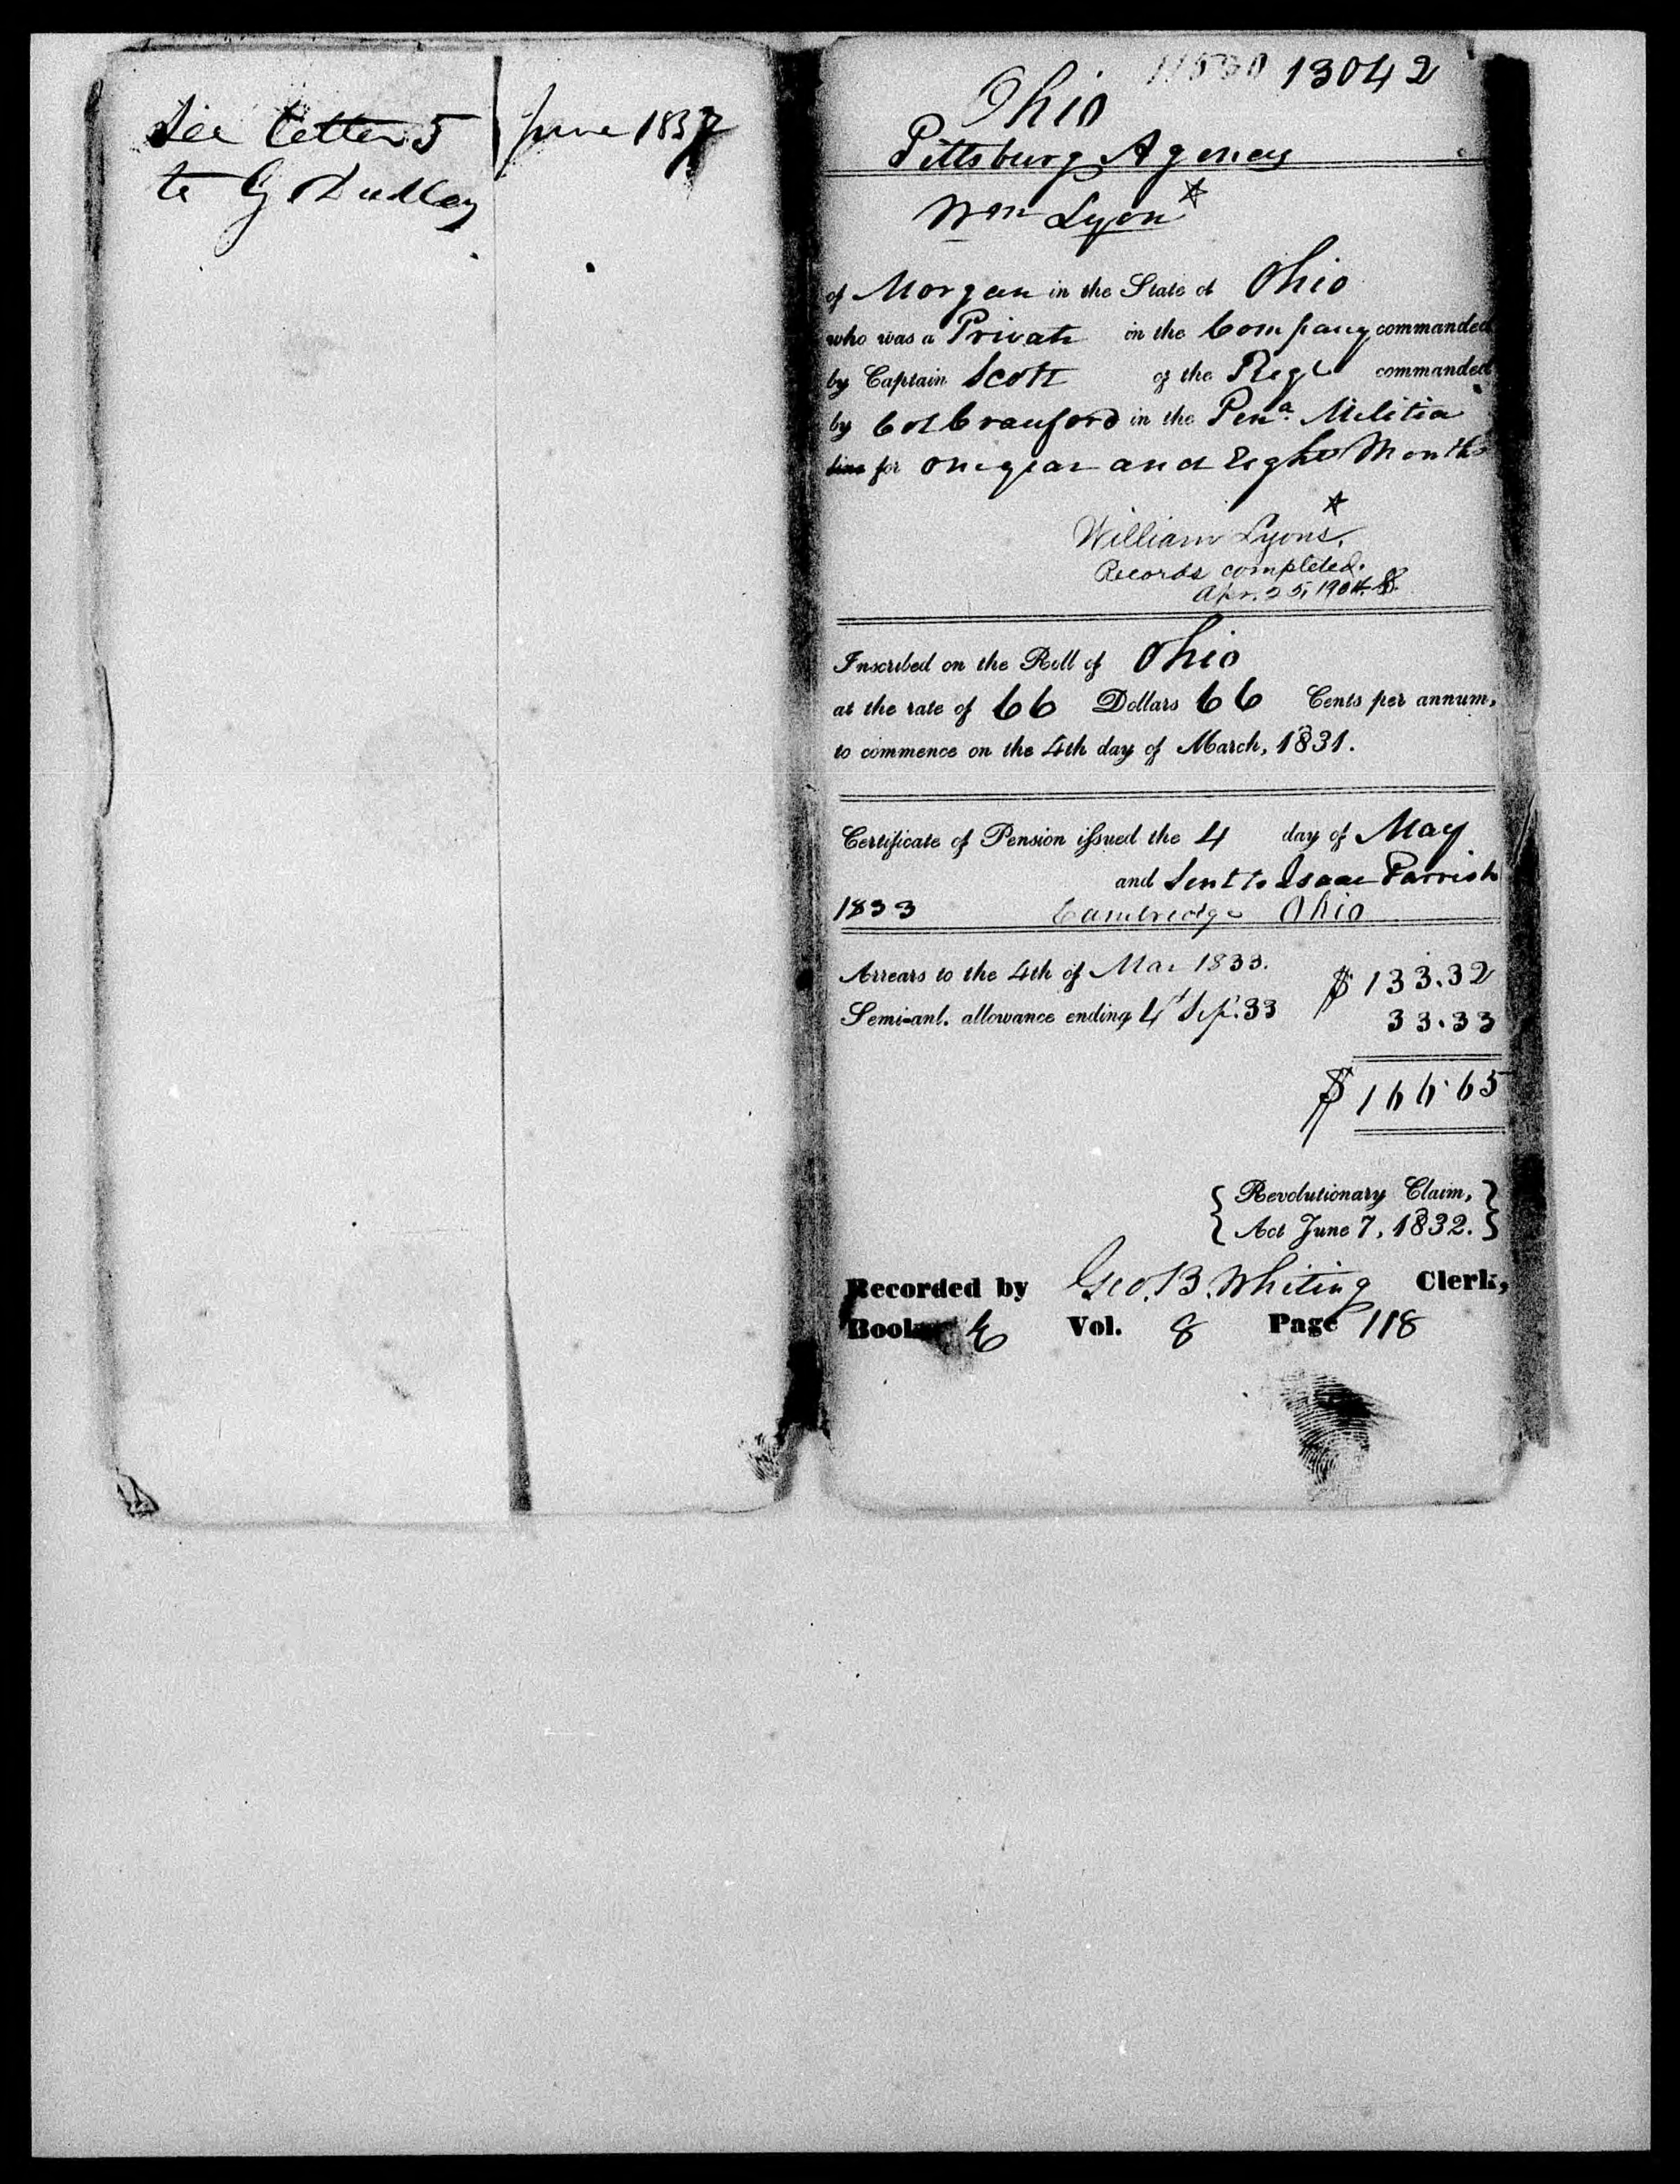See letters June 1837
to G Dullay
11530   13042
Ohio Pittsburg Agnicy
Wm Lyon
of Morgan in the State of Ohio who was a Private in the Company commanded by Captain Scott of the Regt commanded by Crawford in the Penna Militia line for one year eight months
William Lyons
Records completed Apr 25, 1904
____________________
Inscribed on Roll of Ohio at the rate of 66 dollars and 66 cents per annum, to commence on the 4th day of March, 1831
___________________
certificate of Pension issued the 4th day of May 1833 and Sent to Isaac Parrish 
Cambridge Ohio
_________________
Arrears to the 4th of Mar 1833
Semi-anl allowance ending 4th Sept 33 
$133.32
     33.33
_____________
$166.65  
Revolutionary Claim, Act June 7, 1832
Recorded by Geo B. Whiting Cler, Book 6 Vol 8 Page 118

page: 2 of 41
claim: survivor's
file: S. 4585, for William Lyons, Pennsylvania